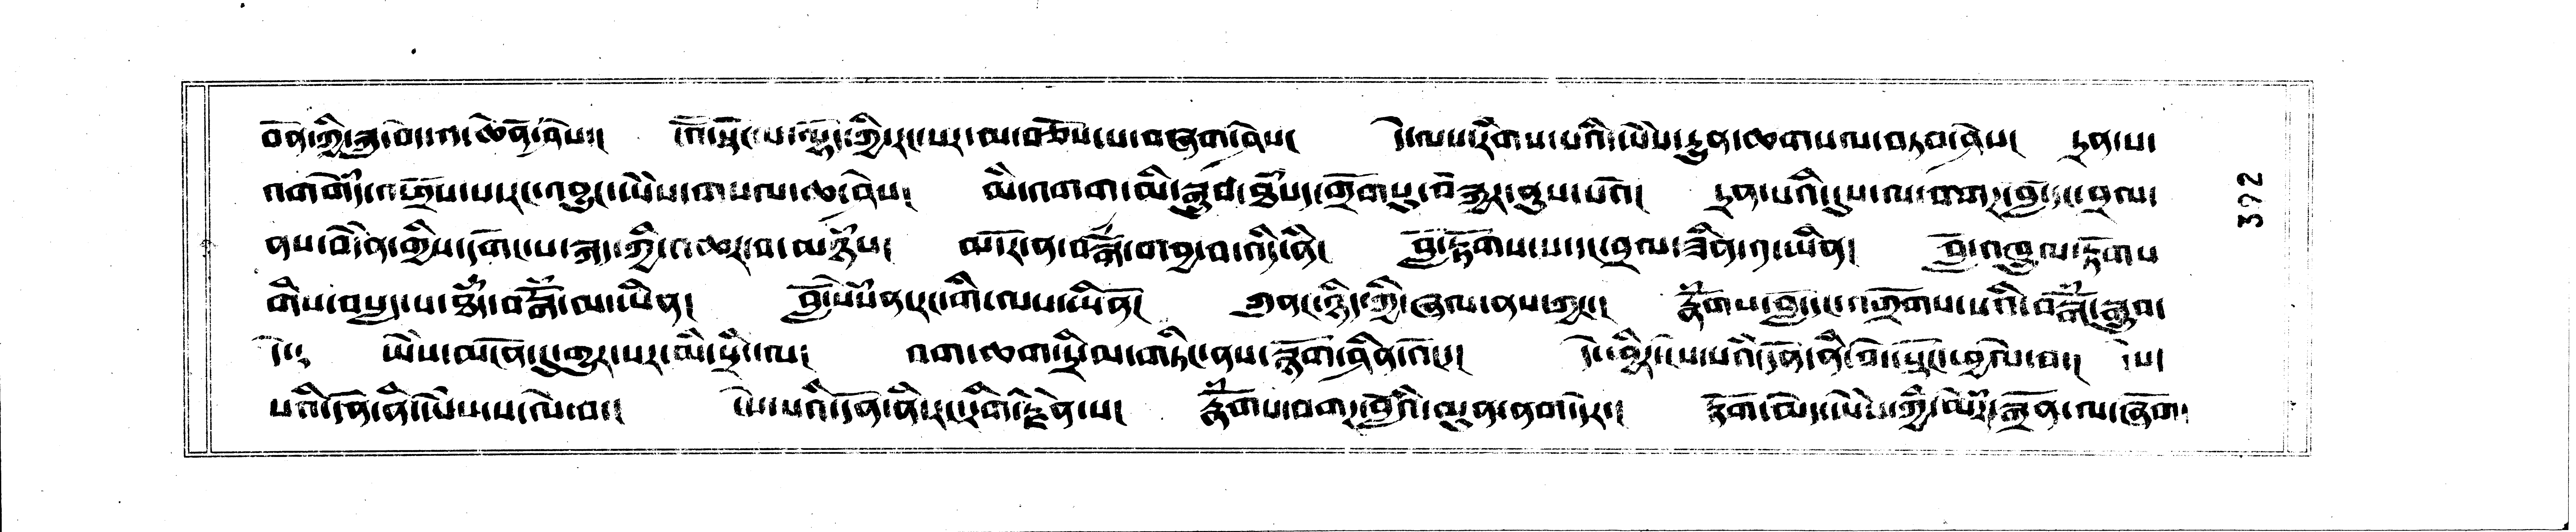གྱི་སྐུ་བདེ་བ་ཆེན་པོར་ཤེས། ངོའོ་སྟོང་པ་ལྷོད་ཀྱིས་རང་སར་མ་བཅོས་པར་བཞག་ཤེས། དེ་ལ་རིག་པའི་ཡེ་ཤེས་ཀྱིས་རྒྱུན་ཆགས་སུ་གསལ་བཏབ་ཤེས། དྲན་པ་
གྷག་(འགག)མེད་འཕྲོ་ཡང་རང་འབྱུང་ཡེ་ཤེས་སུ་གསལ་ཆར་ཤེས། མི་བཀགས་མ་བསྒྲུབ་ཐམས་ཅད་གྲོགས་སུ་ཁྱེར་ནུས་པའོ། དྲན་པས་ཟིན་པའི་དུས་ལ། བག་ཆགས་བློ་དང་བྲལ་
ནས་བདེ་ཆེན་གྱིས་དགོངས་པ་ཀད་གྱིས་འཆར་བ་མཉམ། མདོར་ན་སྒོམ་བྱ་བ་འདི་ནི་བློ་རྟོག་པ་དང་བྲལ་ཟིན་ཅིག་ཡིན། བློ་འཁྲུལ་རྟོག་
གིས་བསླད་པ་ཐམས་ཅད་སྒོམ་མ་ཡིན། སེམས་ཅན་རང་ཀའི་ལས་ཡིན། ཀུན་བཟང་ཉིད་ཀྱིས་ཞལ་ནས་ཀྱང་། རྣམ་རྟོག་བློ་དང་འགྲོགས་པའི་བསྒོམ་བསྒྲུབ་
དེ། ཡེ་ཤེས་མངོན་དུ་གྱུར་པར་མི་སྲིད་ལ། བག་ཆགས་དྲི་མས་གཏིང་ནས་བསྙོག་ཤིན་འོང་། དེ་ཕྱིར་ངེས་པའི་དོན་ནི་བདེ་སྟོང་ཕྱ་ལེ་བ། ངེས་
པའི་དོན་ནི་ཡེ་ཤེས་སལེ་བ། ངེས་པའི་དོན་ནི་རང་རིག་རྗེན་ནེ་བ། རྣམ་རྟོག་བག་ཆགས་བློའི་མུན་ནག་དེར། རྟོགས་མེད་ཡེ་ཤེས་ཀྱིས་མར་མེ་སྒྲོན་ལ་ཞོག་